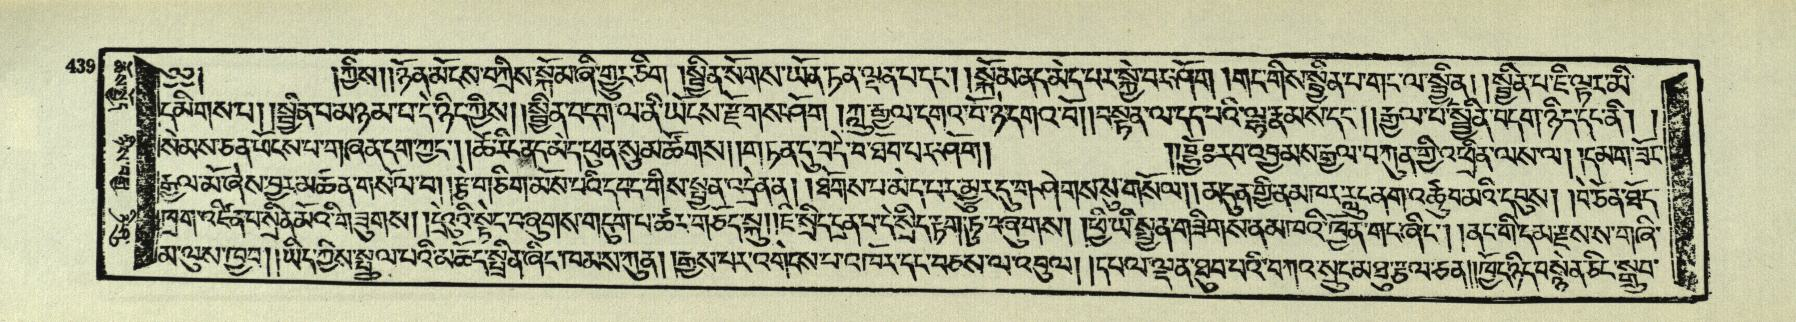༄༅། །ཀྱིས། །ཉོན་མོངས་བཀྲིས་སྐོམ་ཞི་གྱུར་ཅིག །སྦྱིན་སོགས་ཡོན་ཏན་ལྡན་པ་དང་། །སྐོམ་ནད་མེད་པར་སྐྱེ་བར་ཤོག །གང་གིས་སྦྱིན་པ་གང་ལ་སྦྱིན། །སྦྱིན་པ་ཇི་ལྟར་མི་
དམིགས་པ། །སྦྱིན་པ་མཉམ་པ་དེ་ཉིད་ཀྱིས། །སྦྱིན་བདག་ལ་ནི་ཡོངས་རྫོགས་ཤོག །ཀླུ་རྒྱལ་དགའ་བོ་ཉེ་དགའ་བོ། །བསྟན་ལ་དད་པའི་ལྷ་རྣམས་དང་། །རྒྱལ་པོ་སྦྱིན་བདག་ཉིད་དང་ནི། །
སེམས་ཅན་ཕོངས་པ་གཞན་དག་ཀྱང་། །ཚེ་རིང་ནད་མེད་ཕུན་སུམ་ཚོགས། །གཏན་དུ་བདེ་བ་ཐོབ་པར་ཤོག། །།བྷྱོཿ རབ་འབྱམས་རྒྱལ་བ་ཀུན་གྱི་འཕྲིན་ལས་ལ། །དམག་ཟོར་
རྒྱལ་མོ་ཞེས་བྱར་མཚན་གསོལ་བ། །རྩེ་གཅིག་མོས་པའི་དབང་གིས་སྤྱན་འདྲེན་ན། །ཐོགས་པ་མེད་པར་མྱུར་དུ་གཤེགས་སུ་གསོལ། །མདུན་གྱི་ནམཁར་རླུང་ནག་འཚུབ་མའི་དབུས། །བེ་ཅོན་ཐོད་
ཁྲག་འཛིན་པ་སྲིན་མོའི་གཟུགས། །དྲེའུའི་སྟེང་བཞུགས་གདུག་པ་ཚར་གཅོད་སྐུ། །ཇི་སྲིད་དྲན་པ་དེ་སྲིད་རྟག་ཏུ་བཞུགས། །ཕྱི་ཡི་སྤྱན་གཟིགས་ནམཁའི་ཁྱོན་གང་ཞིང་། །ནང་གི་དམ་རྫས་ས་གཞི་
མ་ལུས་ཁྱབ། །ཡིད་ཀྱིས་སྤྲུལ་པའི་མཆོད་སྤྲིན་ཞིང་ཁམས་ཀུན། །རྒྱས་པར་འགེངས་པ་འཁོར་དང་བཅས་ལ་འབུལ། །དཔལ་ལྡན་ཐུབ་པའི་བཀའ་སྲུང་མཐུ་རྩལ་ཅན། །ཁྱོད་ཉིད་བསྙེན་ཅིང་སྒྲུབ་